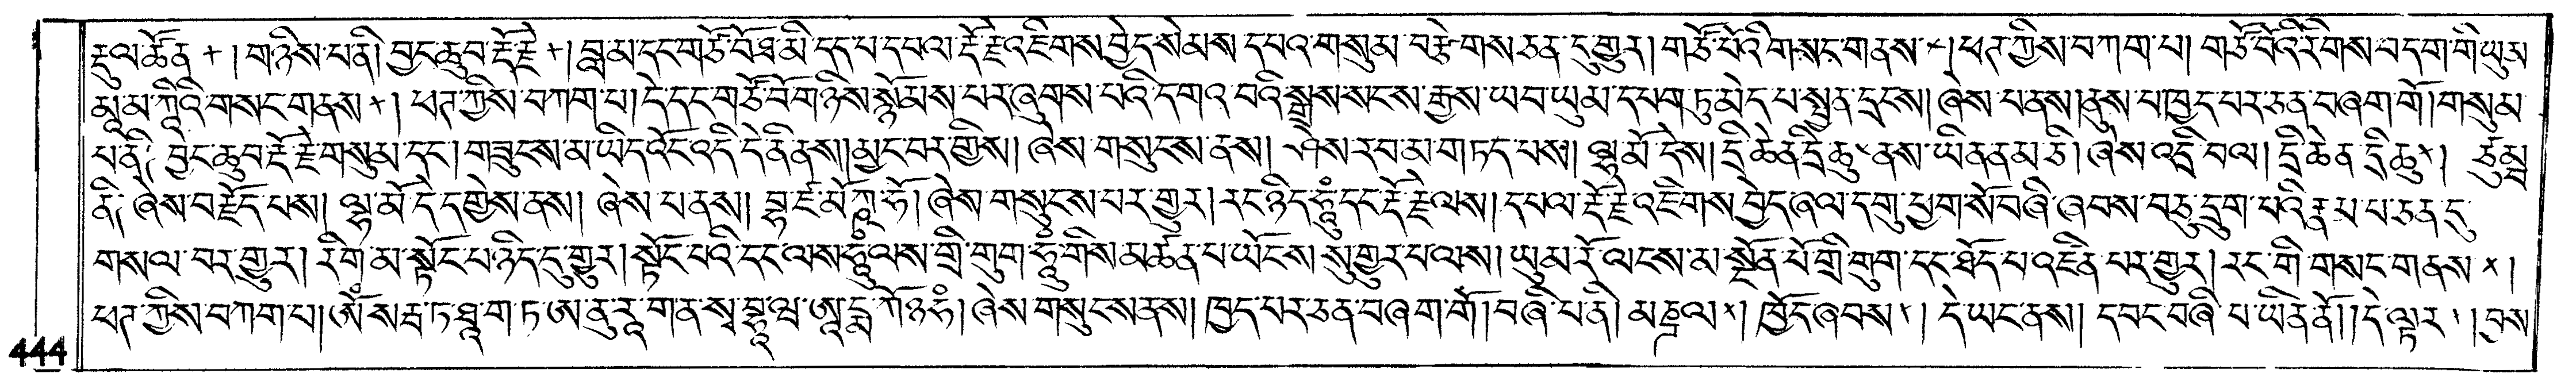རྡུལ་ཚོན་྾། གཉིས་པ་ནི། བྱང་ཆུབ་རྡོ་རྗེ་྾། བླ་མ་དང་གཙོ་བོ་ཐ་མི་དད་པ་དཔལ་རྡོ་རྗེ་འཇིགས་བྱེད་སེམས་དཔའ་གསུམ་བརྩེགས་ཅན་དུ་གྱུར། གཙོ་བོའི་གསང་གནས་྾། ཕཊ་ཀྱིས་བཀག་པ། གཙོ་བོའི་རིགས་བདག་གི་ཡུམ་
མཱ་མ་ཀཱིའི་གསང་གནས་྾། ཕཊ་ཀྱིས་བཀག་པ། དེ་དང་གཙོ་བོ་གཉིས་སྙོམས་པར་ཞུགས་པའི་དགའ་བའི་སྒྲས་སངས་རྒྱས་ཡབ་ཡུམ་དཔག་ཏུ་མེད་པ་སྤྱན་དྲངས། ཞེས་པ་ནས། ནུས་པ་ཁྱད་པར་ཅན་བཞག་གོ །གསུམ་
པ་ནི༑ བྱང་ཆུབ་རྡོ་རྗེ་གསུམ་དང་། གཟུངས་མ་ཡིད་འོང་འདི་དེ་ནི་ནས། མྱང་བར་གྱིས། ཞེས་གསུངས་ནས། ཤེས་རབ་མ་གཏད་པས། ལྷ་མོ་དེས། དྲི་ཆེན་དྲི་ཆུ་྾་ནས་ཡིན་ནམ་ཅི། ཞེས་འདྲི་བལ། དྲི་ཆེན་དྲི་ཆུ་྾། ཙུམྦ་
ནི༑ ཞེས་བརྗོད་པས། ལྷ་མོ་དེ་དགྱེས་ནས། ཞེས་པ་ནས། བྷ་ཛ་མོ་ཀྵ་ཧོ། ཞེས་གསུངས་པར་གྱུར། རང་ཉིད་ཧཱུཾ་དང་རྡོ་རྗེ་ལས། དཔལ་རྡོ་རྗེ་འཇིགས་བྱེད་ཞལ་དགུ་ཕྱག་སོ་བཞི་ཞབས་བཅུ་དྲུག་པའི་རྣམ་པ་ཅན་དུ་
གསལ་བར་གྱུར། རིག་མ་སྟོང་པ་ཉིད་དུ་གྱུར། སྟོང་པའི་ངང་ལས་ཧཱུཾ་ལས་གྲི་གུག་ཧཱུཾ་གིས་མཚན་པ་ཡོངས་སུ་གྱུར་པ་ལས། ཡུམ་རོ་ལངས་མ་སྔོན་པོ་གྲི་གུག་དང་ཐོད་པ་འཛིན་པར་གྱུར། རང་གི་གསང་གནས་྾།
ཕཊ་ཀྱིས་བཀག་པ། ཨོཾ་སརྦ་ཏ་ཐཱ་ག་ཏ་ཨ་ནུ་རཱ་ག་ན་སྭ་བྷཱ་ཝ་ཨཱ་དམ་ཀོཉ་ཧཾ། ཞེས་གསུངས་ནས། ཁྱད་པར་ཅན་བཞག་གོ །བཞི་པ་ནི། མཎྜལ་྾། ཁྱོད་ཞབས་྾། དེ་ཡང་ནས། དབང་བཞི་པ་ཡིན་ནོ། །དེ་ལྟར་྾། བྱས་